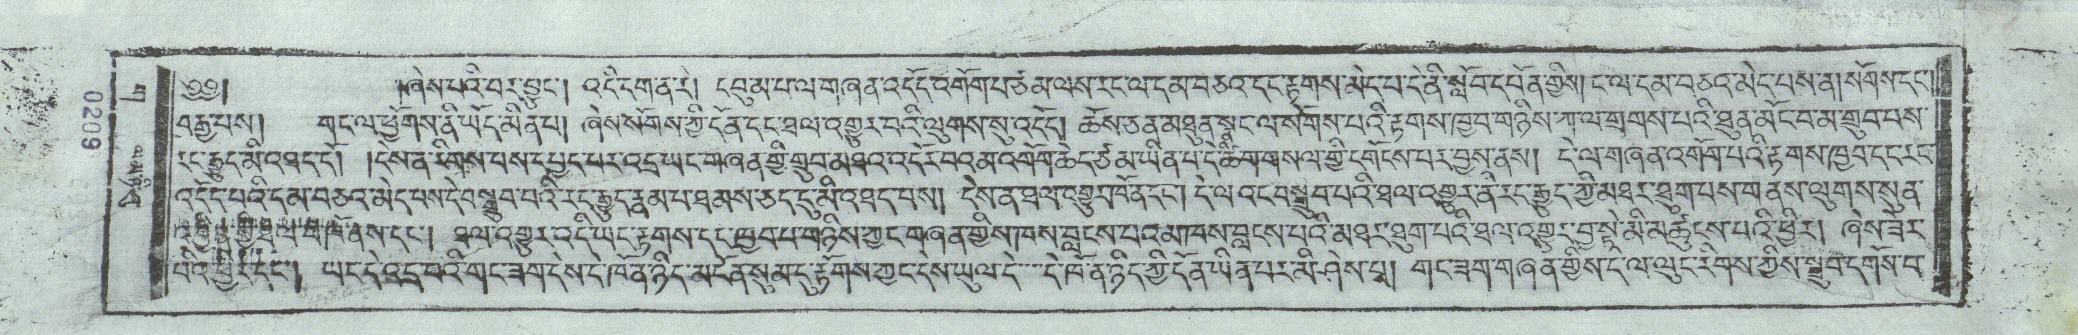༄༅། །ཞེས་པའི་བར་བྱུང་། འདི་དག་ན་རེ། དབུ་མ་པ་ལ་གཞན་འདོད་འགོག་པ་ཙམ་ལས་རང་ལ་དམ་བཅའ་དང་རྟགས་མེད་པ་དེ་ནི་སློབ་དཔོན་གྱིས། ང་ལ་དམ་བཅའ་མེད་པས་ན། སོགས་དང་
བརྒྱ་པས། གང་ལ་ཕྱོགས་ནི་ཡོད་མིན་པ། ཞེས་སོགས་ཀྱི་དོན་དང་ཐལ་འགྱུར་བའི་ལུགས་སུ་འདོད། ཆོས་ཅན་མཐུན་སྣང་ལ་སོགས་པའི་རྟགས་ཁྱབ་གཉིས་ཀ་ལ་གྲགས་པའི་ཐུན་མོང་བ་མ་གྲུབ་པས་
རང་རྒྱུད་མི་འཐད་དོ། །དེས་ན་རིགས་པས་དཔྱད་པར་འདྲ་ཡང་གཞན་གྱི་གྲུབ་མཐའ་འདོར་བའམ་འགོག་ཆེད་ཙམ་ཡིན་པ་དེ་ཚིག་གསལ་གྱི་དགོངས་པར་བྱས་ནས། དེ་ལ་གཞན་འགོག་པའི་རྟགས་ཁྱབ་དང་རང་
འདོད་པའི་དམ་བཅའ་མེད་པས་དེ་བསྒྲུབ་པའི་རང་རྒྱུད་རྣམ་པ་ཐམས་ཅད་དུ་མི་འཐད་པས། དེས་ན་ཐལ་འགྱུར་ཁོ་ན་དང་། དེ་ལའང་བསྒྲུབ་པའི་ཐལ་འགྱུར་ནི་རང་རྒྱུད་ཀྱི་མཐར་ཐུག་པས་གནས་ལུགས་སུན་
འབྱིན་གྱི་ཐལ་བ་ཁོ་ནས་དང་། ཐལ་འགྱུར་འདི་ཡང་རྟགས་དང་ཁྱབ་པ་གཉིས་ཀྱང་གཞན་གྱིས་ཁས་བླངས་པའམ་ཁས་བླངས་པའི་མཐར་ཐུག་པའི་ཐལ་འགྱུར་བྱ་སྟེ་མི་མཚུངས་པའི་ཕྱིར། ཞེས་ཟེར་
པའི་ཕྱིར་དང་། ཡང་དེ་འདྲ་བའི་གང་ཟག་དེས་དེ་ཁོ་ན་ཉིད་མངོན་སུམ་དུ་རྟོགས་ཀྱང་དེས་ཡུལ་དེ་དེ་ཁོ་ན་ཉིད་ཀྱི་དོན་ཡིན་པར་མི་ཤེས་པས། གང་ཟག་གཞན་གྱིས་དེ་ལ་ལུང་རིགས་ཀྱིས་སྒྲུབ་དགོས་པ་